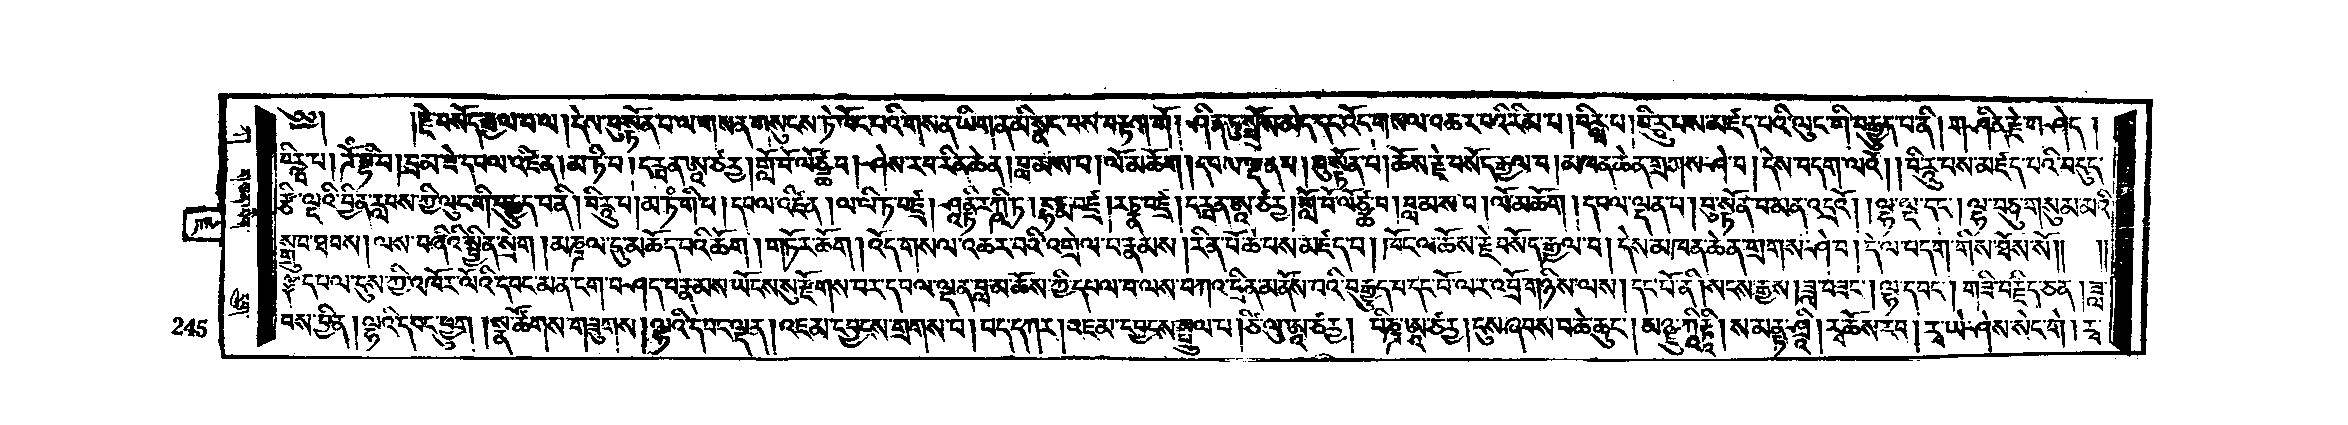༄༅། །རྗེ་བསོད་རྒྱལ་བ་ལ། དེས་བུ་སྟོན་པ་ལ་གསན་གསུངས་ཏེ་ཁོང་པའི་གསན་ཡིག་ན་མི་སྣང་བས་བརྟག་གོ །ཤིན་ཏུ་སྦྲོས་མེད་དང་འོད་གསལ་འཆར་བའི་རིམ་པ། བརྭི་པ། བརཱུ་པས་མཛད་པའི་ལུང་གི་བརྒྱུད་པ་ནི། གཤིན་རྗེ་གཤེད།
བརྭི་པ། ཌོཾ་བྷི་བ། དྲམ་ཟེ་དཔལ་འཛིན། མ་ཏི་པ། དརྤན་ཨཱ་ཙྲྱ་རྱ། གློ་བོ་ལོཙྪ་བ། ཤེས་རབ་རིན་ཆེན། བླ་མས་པ། ལོ་མཆོག །དཔལ་ལྡན་པ། བུ་སྟོན་པ། ཆོས་རྗེ་བསོད་རྒྱལ་བ། མཁན་ཆེན་གྲགས་ཤེ་བ། དེས་བདག་ལའོ། །བི་རཱུ་པས་མཛད་པའི་བདུད་
རྩི་ལྡའི་བྱིན་རླབས་ཀྱི་ལུང་གི་བརྒྱུད་པ་ནི། བི་རཱུ་པ། མ་ཏཾ་གི་པ། དཔལ་འཛིན། ལ་ལི་ཏ་བཛྲ། ཤྰྣཏི་རཀྵི་ཏ། དྷྲྨ་བཛྲ། རཏྣ་བྫྲ། དྷྲྤན་ཨའྩརཡ། གློ་བོ་ལོཙྪ་བ། བླ་མས་པ། ལོ་མཆོག། དཔལ་ལྡན་པ། བུ་སྟོན་པ་མན་འདྲའོ། །ལྷ་ལྔ་དང་། ལྷ་བཅུ་གསུམ་མའི་
སྒྲུབ་ཐབས། ལས་བཞིའི་སྦྱིན་སྲེག །མཎྜལ་དུ་མཆོད་པའི་ཆོག །གཏོར་ཆོག །འོད་གསལ་འཆར་བའི་འགྲེལ་བ་རྣམས། རིན་པོ་ཆེ་པས་མཛད་པ། ཁོང་ལ་ཆོས་རྗེ་བསོད་རྒྱལ་བ། དེས་མཁན་ཆེན་གྲགས་ཤེ་བ། དེ་ལ་བདག་གིས་ཐོས་སོ།། །།
༈ དཔལ་དུས་ཀྱི་འཁོར་ལོའི་དབང་མན་ངག་བཤད་པ་རྣམས་ཡོངས་སུ་རྫོགས་པར་དཔལ་ལྡན་བླ་མ་ཆོས་ཀྱི་དཔལ་བ་ལས་བཀའ་དྲིན་མནོས་པའི་བརྒྱུད་པ་དང་པོ་ལ་ར་འབྲོ་གཉིས་ལས། དང་པོ་ནི། སངས་རྒྱས། ཟླ་བཟང་། ལྷ་དབང་། གཟི་བརྗིད་ཅན། ཟླ་
བས་བྱིན། ལྷའི་དབང་ཕྱུག །སྣ་ཚོགས་གཟུགས། ལྷའི་དབང་ལྡན། འཇམ་དབྱངས་གྲགས་པ། པད་དཀར། འཇམ་དབྱངས་སྤྲུལ་པ། ཙི་ལུ་ཨའ་ཙརཡ། པཎྜི་ཨའ་ཙརཡ། དུས་ཞབས་པ་ཆེ་ཆུང་། མཉྫུ་ཀཱིརྟཱི། ས་མནྟ་ཤྲཱི། རྭ་ཆོས་རབ། རྭ་ཡེ་ཤེས་སེང་གེ །རྭ་